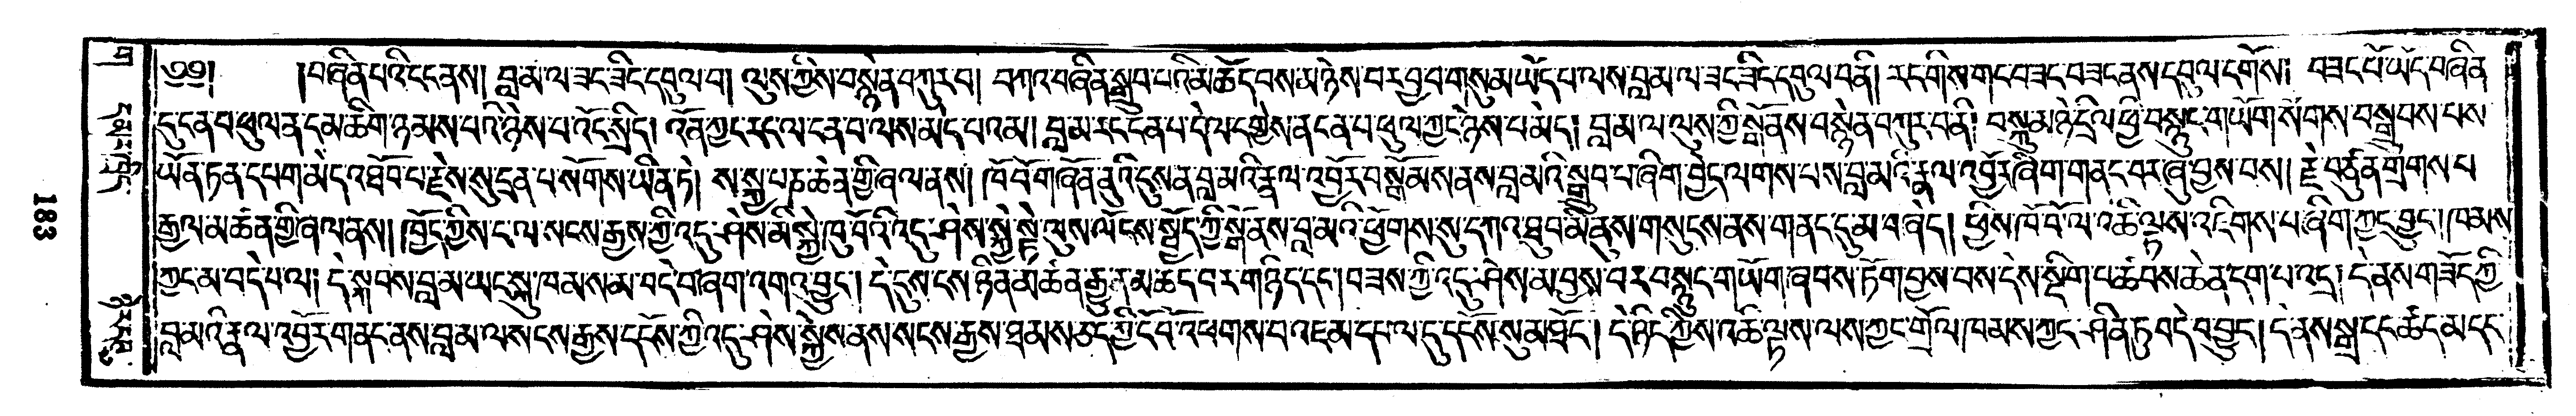༄༅། །བཞིན་པའི་ངང་ནས། བླ་མ་ལ་ཟང་ཟིང་དབུལ་བ། ལུས་ཀྱིས་བསྙེན་བཀུར་བ། བཀའ་བཞིན་སྒྲུབ་པའི་མཆོད་བས་མཉེས་བར་བྱ་བ་གསུམ་ཡོད་པ་ལས་བླ་མ་ལ་ཟང་ཟིང་དབུལ་བ་ནི། རང་གིས་གང་བཟང་བཟང་ནས་དབུལ་དགོས། བཟང་པོ་ཡོད་བཞིན་
དུ་ངན་པ་ཕུལ་ན་དམ་ཚིག་ཉམས་པའི་ཉེས་པ་འོང་སྲིད། འོན་ཀྱང་རང་ལ་ངན་བ་ལས་མེད་པའམ། བླ་མ་རང་ངན་པ་དེ་ལ་དགྱེས་ནང་ན་པ་ཕུལ་ཀྱང་ཉེས་པ་མེད། བླ་མ་ལ་ལུས་ཀྱི་སྒོ་ནས་བསྙེན་བཀུར་བ་ནི། བསྐུ་མཉེ་དྲིལ་ཕྱི་བསྙུང་གཡོག་སོགས་བསྒྲུབས་པས་
ཡོན་ཏན་དཔག་མེད་འཐོབ་པ་རྗེས་སུ་དྲན་པ་སོགས་ཡིན་ཏེ། ས་སྐྱ་པཎ་ཆེན་གྱི་ཞལ་ནས། ཁོ་བོ་གཞོན་ནུའི་དུས་ན་བླ་མའི་རྣལ་འབྱོར་བསྒོམས་ནས་བླ་མའི་སྒྲུབ་པ་ཞིག་བྱེད་ལགས་པས་བླ་མའི་རྣལ་འབྱོར་ཞིག་གནང་བར་ཞུ་བྱས་པས། རྗེ་བཙུན་གྲགས་པ་
རྒྱལ་མཚན་གྱི་ཞལ་ནས། ཁྱོད་ཀྱིས་ང་ལ་སངས་རྒྱས་ཀྱི་འདུ་ཤེས་མི་སྐྱེ་ཁུ་བོའི་འདུ་ཤེས་སྐྱེ་སྟེ་ལུས་ལོངས་སྤྱོད་ཀྱི་སྒོ་ནས་བླ་མའི་ཕྱོགས་སུ་དཀའ་ཐུབ་མི་ནུས་གསུངས་ནས་གང་དུ་མ་བཞེད། ཕྱིས་ཁོ་བོ་ལ་འཆི་ལྟས་འཇིགས་པ་ཞིག་ཀྱང་བྱུང་། ཁམས་
ཀྱང་མ་བདེ་པ་ལ། དེ་སྐབས་བླ་མ་ཡང་སྐུ་ཁམས་མ་བདེ་བ་ཞག་འགའ་བྱུང་། དེ་དུས་ངས་ཉིན་མཚན་རྒྱུན་མ་ཆད་པར་གཉིད་དང་། བཟས་ཀྱི་འདུ་ཤེས་མ་བྱས་བར་བསྙུང་གཡོག་ཞབས་ཏོག་བྱས་བས་དེས་སྡིག་པ་ཚབས་ཆེན་དག་པ་འདྲ། དེ་ནས་གཟོད་ཀྱི་
བླ་མའི་རྣལ་འབྱོར་གནང་ནས་བླ་མ་ལ་སངས་རྒྱས་དངོས་ཀྱི་འདུ་ཤེས་སྐྱེས་ནས་སངས་རྒྱས་ཐམས་ཅད་ཀྱི་ངོ་བོ་འཕགས་པ་འཇམ་དཔལ་དུ་དངོས་སུ་མཐོང་། དེ་ཉིད་ཀྱིས་འཆི་ལྟས་ལས་ཀྱང་གྲོལ་ཁམས་ཀྱང་ཤིན་ཏུ་བདེ་བ་བྱུང་། དེ་ནས་སྒྲ་དང་ཚད་མ་དང་